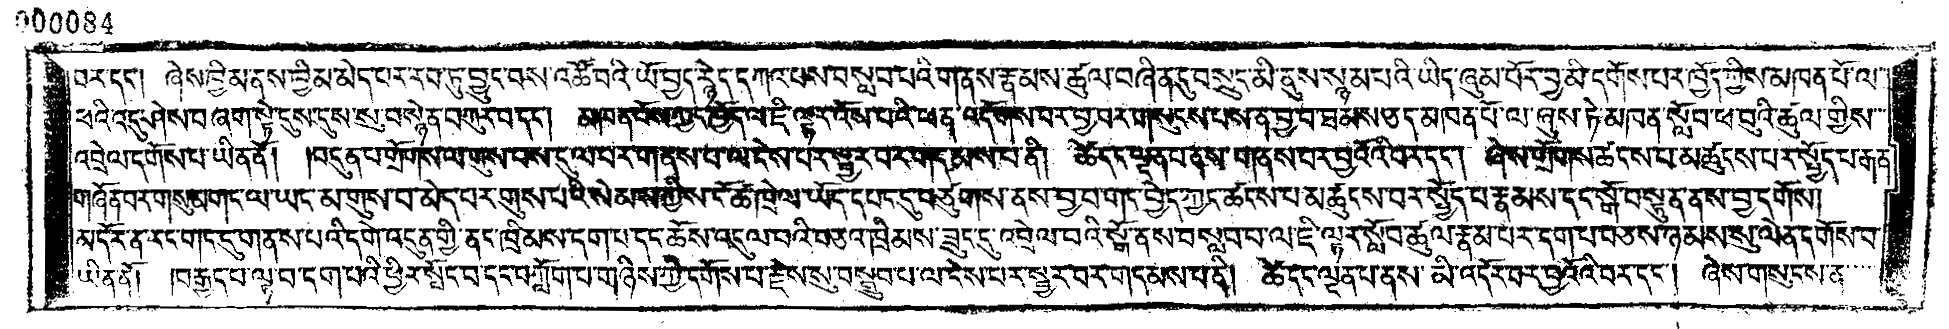བར་དང་། ཞེས་ཁྱིམ་ནས་ཁྱིམ་མེད་པར་རབ་ཏུ་བྱུང་བས་འཚོ་བའི་ཡོ་བྱད་རྙེད་དཀའ་པས་བསླབ་པའི་གནས་རྣམས་ཚུལ་བཞིན་དུ་བསྲུང་མི་ནུས་སྙམ་པའི་ཡིད་ཞུམ་པོར་བྱ་མི་དགོས་པར་ཁྱོད་ཀྱིས་མཁན་པོ་ལ་
ཕའི་འདུ་ཤེས་བཞག་སྟེ་དུས་དུས་སུ་བསྙེན་བཀུར་བ་དང་། མཁན་པོས་ཀྱང་ཁྱོད་ལ་ཇི་ལྟར་འོས་པའི་ཕན་འདོགས་པར་བྱ་བར་གསུངས་པས་ན་བྱ་བ་ཐམས་ཅད་མཁན་པོ་ལ་ཞུས་ཏེ་མཁན་སློབ་ཕ་བུའི་ཚུལ་གྱིས་
འབྲེལ་དགོས་པ་ཡིན་ནོ། །བདུན་པ་གྲོགས་ལ་གུས་པས་དུལ་བར་གནས་པ་ལ་ངེས་པར་སྦྱར་བར་གདམས་པ་ནི། ཚེ་དང་ལྡན་པ་ནས་གནས་པར་བྱའོའི་བར་དང་། ཞེས་གྲོགས་ཚངས་པ་མཚུངས་པར་སྤྱོད་པ་རྒན་
གཞོན་བར་གསུམ་གང་ལ་ཡང་མ་གུས་པ་མེད་པར་གུས་པའི་སེམས་ཀྱིས་ངོ་ཚ་ཁྲེལ་ཡོད་དཔང་དུ་བཙུགས་ནས་བྱ་བ་གང་བྱེད་ཀྱང་ཚངས་པ་མཚུངས་བར་སྤྱོད་པ་རྣམས་དང་སྒོ་བསྟུན་ནས་བྱ་དགོས།
མདོར་ན་རང་གང་དུ་གནས་པའི་དགེ་འདུན་གྱི་ནང་ཁྲིམས་དག་པ་དང་ཆོས་འདུལ་བའི་བཅའ་ཁྲིམས་ཟུང་དུ་འབྲེལ་བའི་སྒོ་ནས་བསླབ་པ་ལ་ཇི་ལྟར་སློབ་ཚུལ་རྣམ་པར་དག་པ་བཅས་ཉམས་སུ་ལེན་དགོས་པ་
ཡིན་ནོ། །བརྒྱད་པ་ལྟ་བ་དག་པའི་ཕྱིར་སྤོང་བ་དང་བཀློག་པ་གཉིས་ཀྱི་དགོས་པ་རྗེས་སུ་བསྒྲུབ་པ་ལ་ངེས་པར་སྦྱར་བར་གདམས་པ་ནི། ཚེ་དང་ལྡན་པ་ནས་མི་འདོར་བར་བྱའོའི་བར་དང་། ཞེས་གསུངས་ན་